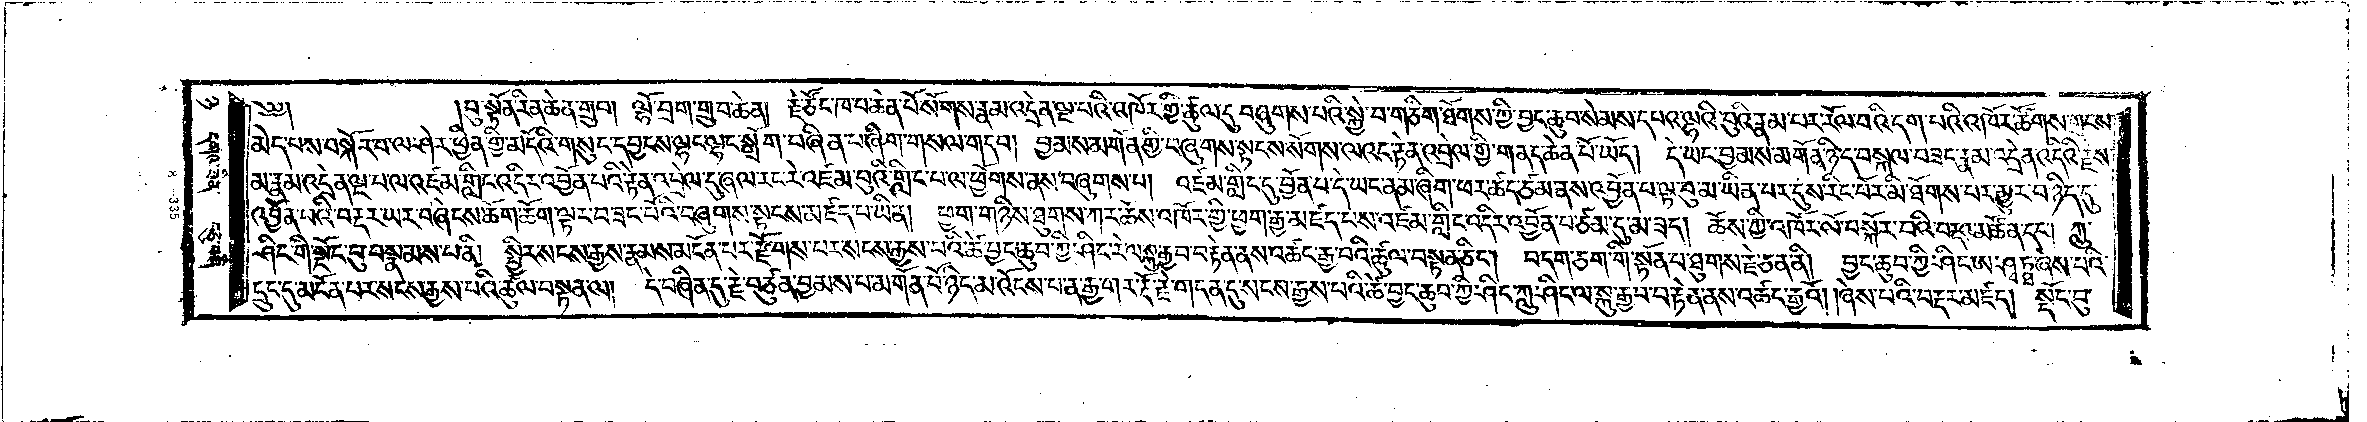༄༅། །བུ་སྟོན་རིན་ཆེན་གྲུབ། ལྷོ་བྲག་གྲུབ་ཆེན། རྗེ་ཙོང་ཁ་པ་ཆེན་པོ་སོགས་རྣམ་འདྲེན་ལྔ་པའི་འཁོར་གྱི་ཚུལ་དུ་བཞུགས་པའི་སྐྱེ་བ་གཅིག་ཐོགས་ཀྱི་བྱང་ཆུབ་སེམས་དཔའ་ལྷའི་བུའི་རྣམ་པར་རོལ་བའི་དག་པའི་འཁོར་ཚོགས་གྲངས་
མེད་པས་བསྐོར་བ་ལ་ཤེར་ཕྱིན་གྱི་མདོའི་གསུང་དབྱངས་ལྷང་ལྷང་སྒྲོག་བཞིན་པ་ཞིག་གསལ་གདབ། བྱམས་མགོན་གྱི་བཞུགས་སྟངས་སོགས་ལའང་རྟེན་འབྲེལ་གྱི་གནད་ཆེན་པོ་ཡོད། དེ་ཡང་བྱམས་མགོན་ཉིད་བསྐལ་བཟང་རྣམ་འདྲེན་འདིའི་རྗེས་
མ་རྣམ་འདྲེན་ལྔ་པ་ལ་འཛམ་གླིང་འདིར་འབྱོན་པའི་རྟེན་འབྲེལ་དུ་ཞལ་རང་རེ་འཛམ་བུའི་གླིང་པ་ལ་ཕྱོགས་ནས་བཞུགས་པ། འཛམ་གླིང་དུ་བྱོན་པ་དེ་ཡང་ནམ་ཞིག་ཕར་ཚད་ཙམ་ནས་འབྱོན་པ་ལྟ་བུ་མ་ཡིན་པར་དུས་རིང་པོར་མི་ཐོགས་པར་མྱུར་བ་ཉིད་དུ་
འབྱོན་པའི་བརྡར་ཡར་བཞེངས་ཆོག་ཆོག་ལྟར་བཟང་པོའི་བཞུགས་སྟངས་མཛད་པ་ཡིན། ཕྱག་གཉིས་ཐུགས་ཀར་ཆོས་འཁོར་གྱི་ཕྱག་རྒྱ་མཛད་པས་འཛམ་གླིང་འདིར་འབྱོན་པ་ཙམ་དུ་མ་ཟད། ཆོས་ཀྱི་འཁོར་ལོ་བསྐོར་བའི་བརྡའ་མཚོན་དང་། ཀླུ་
ཤིང་གི་སྡོང་བུ་བསྣམས་པ་ནི། སྤྱིར་སངས་རྒྱས་རྣམས་མངོན་པར་རྫོགས་པར་སངས་རྒྱས་པའི་ཚེ་བྱང་ཆུབ་ཀྱི་ཤིང་རེ་ལ་སྐུ་རྒྱབ་བརྟེན་ནས་འཚང་རྒྱ་བའི་ཚུལ་བསྟན་ཅིང་། བདག་ཅག་གི་སྟོན་པ་ཐུགས་རྗེ་ཅན་ནི། བྱང་ཆུབ་ཀྱི་ཤིང་ཨ་ཤྭ་ཏྠ་ཞེས་པའི་
དྲུང་དུ་མངོན་པར་སངས་རྒྱས་པའི་ཚུལ་བསྟན་ལ། དེ་བཞིན་དུ་རྗེ་བཙུན་བྱམས་པ་མགོན་པོ་ཉིད་མ་འོངས་པ་ན་རྒྱ་གར་རྡོ་རྗེ་གདན་དུ་སངས་རྒྱས་པའི་ཚེ་བྱང་ཆུབ་ཀྱི་ཤིང་ཀླུ་ཤིང་ལ་སྐུ་རྒྱབ་བརྟེན་ནས་འཚང་རྒྱའོ། །ཞེས་པའི་བརྡར་མཛད། སྡོང་བུ་